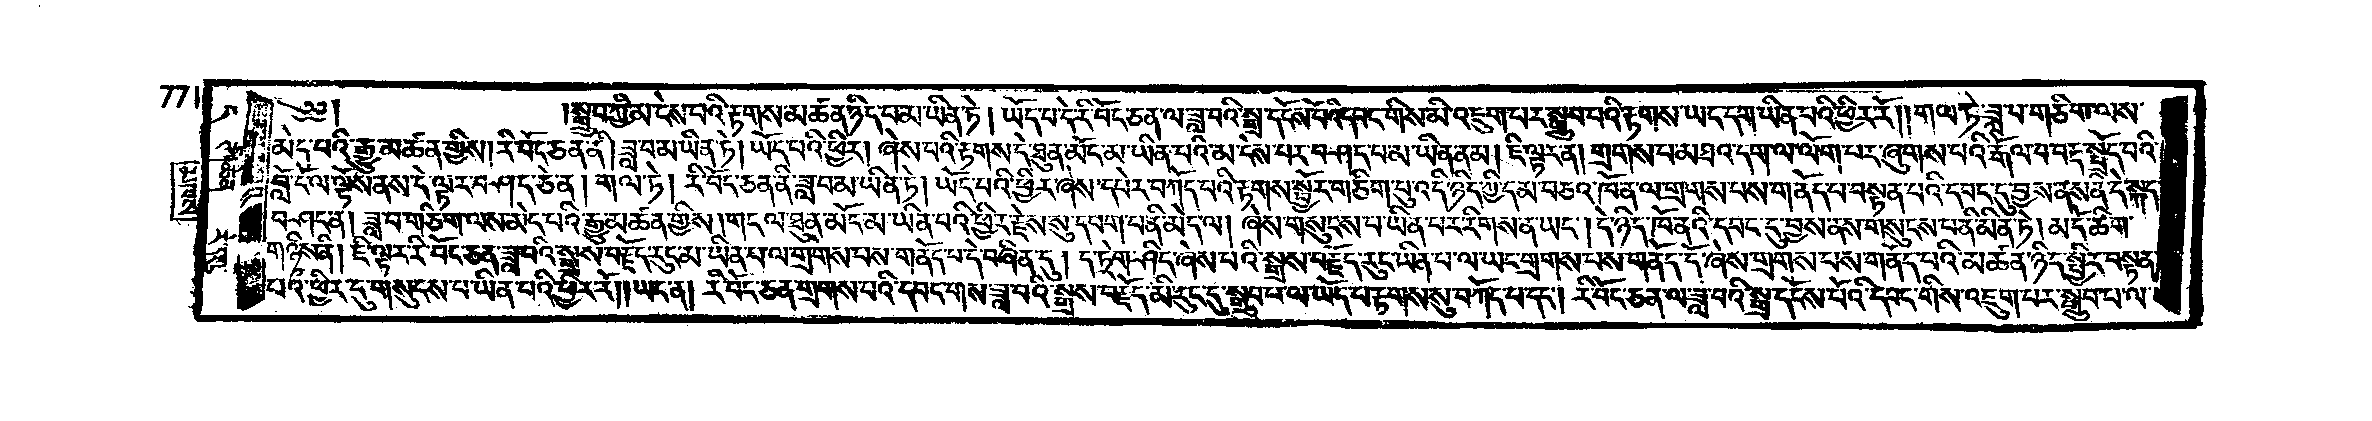༄༅། །སྒྲུབ་ཀྱི་མ་ངེས་པའི་རྟགས་མཚན་ཉིད་པ་མ་ཡིན་ཏེ། ཡོད་པ་དེ་རི་བོང་ཅན་ལ་ཟླ་བའི་སྒྲ་དངོས་པོའི་དབང་གིས་མི་འཇུག་པར་སྒྲུབ་པའི་རྟགས་ཡང་དག་ཡིན་པའི་ཕྱིར་རོ། །གལ་ཏེ་ཟླ་བ་གཅིག་ལས་
མེད་པའི་རྒྱུ་མཚན་གྱིས། རི་བོང་ཅན་ནི། ཟླ་བ་མ་ཡིན་ཏེ། ཡོད་པའི་ཕྱིར། ཞེས་པའི་རྟགས་དེ་ཐུན་མོང་མ་ཡིན་པའི་མ་ངེས་པར་བཤད་པ་མ་ཡིན་ནམ། ཇི་ལྟར་ན། གྲགས་པབ་མཐའ་དག་ལ་ལོགས་པར་ཞུགས་པའི་རྒོལ་བ་བརྡ་སྤྲོད་པའི་
བློ་ངོ་ལ་ལྟོས་ནས་དེ་ལྟར་བཤད་ཅེ་ན། གལ་ཏེ། རི་བོང་ཅན་ནི་ཟླ་བ་མ་ཡིན་ཏེ། ཡོད་པའི་ཕྱིར་ཞེས་དཔེར་བཀོད་པའི་རྟགས་སྦྱོར་གཅིག་པུ་འདི་ཉིད་ཀྱི་དམ་བཅའ་ཁོ་ན་ལ་གྲགས་པས་གནོད་པ་བསྟན་པའི་དབང་དུ་བྱས་ནས་ནི་དེ་སྐད་
བཤད་ན། ཟླ་བ་གཅིག་ལས་མེད་པའི་རྒྱུ་མཚན་གྱིས། གང་ལ་ཐུན་མོང་མ་ཡིན་པའི་ཕྱིར་རྗེས་སུ་དཔག་པ་ནི་མེད་ལ། ཞེས་གསུངས་པ་ཡིན་པར་རིགས་ན། ཡང་། དེ་ཉིད་ཁོ་ནའི་དབང་དུ་བྱས་ནས་གསུང་པ་ནི་མིན་ཏེ། མདོ་ཚིག་
གཉིས་ནི། ཇི་ལྟར་རི་བོང་ཅན་ཟླ་བའི་སྒྲས་བརྗོད་རུང་མ་ཡིན་པ་ལ་གྲགས་པས་གནོད་པ་དེ་བཞིན་དུ། དེ་ཊྲིག་ཤིད་ཞེས་པའི་སྒྲས་བརྗོད་རུང་ཡིན་པ་ལ་ཡང་གྲགས་པས་གནོད་དོ་ཞེས་གྲགས་པས་གནོད་པའི་མཚན་ཉིད་སྤྱིར་བསྟན་
པའི་ཕྱིར་དུ་གསུངས་པ་ཡིན་པའི་ཕྱིར་རོ། །ཡང་ན། རི་བོང་ཅན་གྲགས་པའི་དབང་གིས་ཟླ་བའི་སྒྲས་བརྗོད་མི་རུང་དུ་སྒྲུབ་པ་ལ་ཡོད་པ་རྟགས་སུ་བཀོད་པ་དང་། རི་བོང་ཅན་ལ་ཟླ་བའི་སྒྲ་དངོས་པོའི་དབང་གིས་འཇུག་པར་སྒྲུབ་པ་ལ་